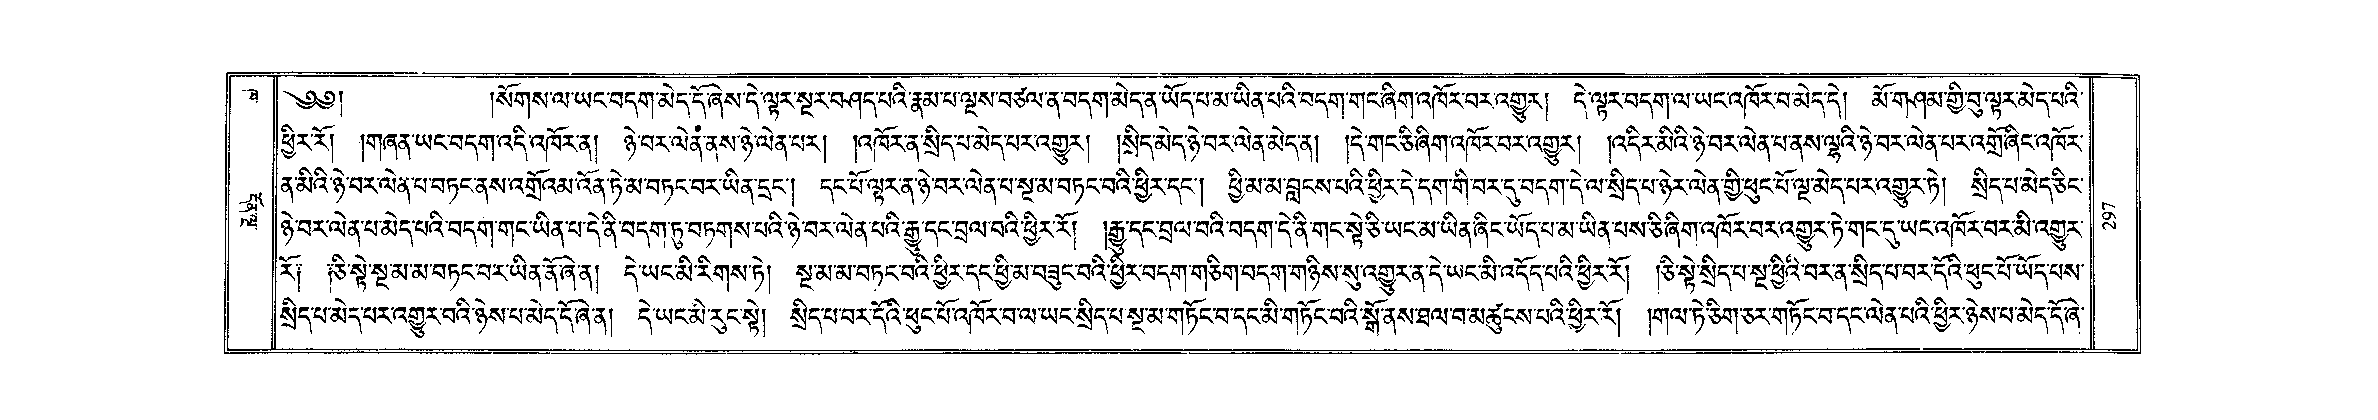༄༅། །སོགས་ལ་ཡང་བདག་མེད་དོ་ཞེས་དེ་ལྟར་སྔར་བཤད་པའི་རྣམ་པ་ལྔས་བཙལ་ན་བདག་མེད་ན་ཡོད་པ་མ་ཡིན་པའི་བདག་གང་ཞིག་འཁོར་བར་འགྱུར། དེ་ལྟར་བདག་ལ་ཡང་འཁོར་བ་མེད་དེ། མོ་གཤམ་གྱི་བུ་ལྟར་མེད་པའི་
ཕྱིར་རོ། །གཞན་ཡང་བདག་འདི་འཁོར་ན། ཉེ་བར་ལེན་ནས་ཉེ་ལེན་པར། །འཁོར་ན་སྲིད་པ་མེད་པར་འགྱུར། །སྲིད་མེད་ཉེ་བར་ལེན་མེད་ན། །དེ་གང་ཅི་ཞིག་འཁོར་བར་འགྱུར། །འདིར་མིའི་ཉེ་བར་ལེན་པ་ནས་ལྷའི་ཉེ་བར་ལེན་པར་འགྲོ་ཞིང་འཁོར་
ན་མིའི་ཉེ་བར་ལེན་པ་བཏང་ནས་འགྲོའམ་འོན་ཏེ་མ་བཏང་བར་ཡིན་དྲང་། དང་པོ་ལྟར་ན་ཉེ་བར་ལེན་པ་སྔ་མ་བཏང་བའི་ཕྱིར་དང་། ཕྱི་མ་མ་བླངས་པའི་ཕྱིར་དེ་དག་གི་བར་དུ་བདག་དེ་ལ་སྲིད་པ་ཉེར་ལེན་གྱི་ཕུང་པོ་ལྔ་མེད་པར་འགྱུར་ཏེ། སྲིད་པ་མེད་ཅིང་
ཉེ་བར་ལེན་པ་མེད་པའི་བདག་གང་ཡིན་པ་དེ་ནི་བདག་ཏུ་བཏགས་པའི་ཉེ་བར་ལེན་པའི་རྒྱུ་དང་བྲལ་བའི་ཕྱིར་རོ། །རྒྱུ་དང་བྲལ་བའི་བདག་དེ་ནི་གང་སྟེ་ཅི་ཡང་མ་ཡིན་ཞིང་ཡོད་པ་མ་ཡིན་པས་ཅི་ཞིག་འཁོར་བར་འགྱུར་ཏེ་གང་དུ་ཡང་འཁོར་བར་མི་འགྱུར་
རོ༑ ༑ཅི་སྟེ་སྔ་མ་མ་བཏང་བར་ཡིན་ནོ་ཞེ་ན། དེ་ཡང་མི་རིགས་ཏེ། སྔ་མ་མ་བཏང་བའི་ཕྱིར་དང་ཕྱི་མ་བཟུང་བའི་ཕྱིར་བདག་གཅིག་བདག་གཉིས་སུ་འགྱུར་ན་དེ་ཡང་མི་འདོད་པའི་ཕྱིར་རོ། །ཅི་སྟེ་སྲིད་པ་སྔ་ཕྱིའི་བར་ན་སྲིད་པ་བར་དོའི་ཕུང་པོ་ཡོད་པས་
སྲིད་པ་མེད་པར་འགྱུར་བའི་ཉེས་པ་མེད་དོ་ཞེ་ན། དེ་ཡང་མི་རུང་སྟེ། སྲིད་པ་བར་དོའི་ཕུང་པོ་འཁོར་བ་ལ་ཡང་སྲིད་པ་སྔ་མ་གཏོང་བ་དང་མི་གཏོང་བའི་སྒོ་ནས་ཐལ་བ་མཚུངས་པའི་ཕྱིར་རོ། །གལ་ཏེ་ཅིག་ཅར་གཏོང་བ་དང་ལེན་པའི་ཕྱིར་ཉེས་པ་མེད་དོ་ཞེ་